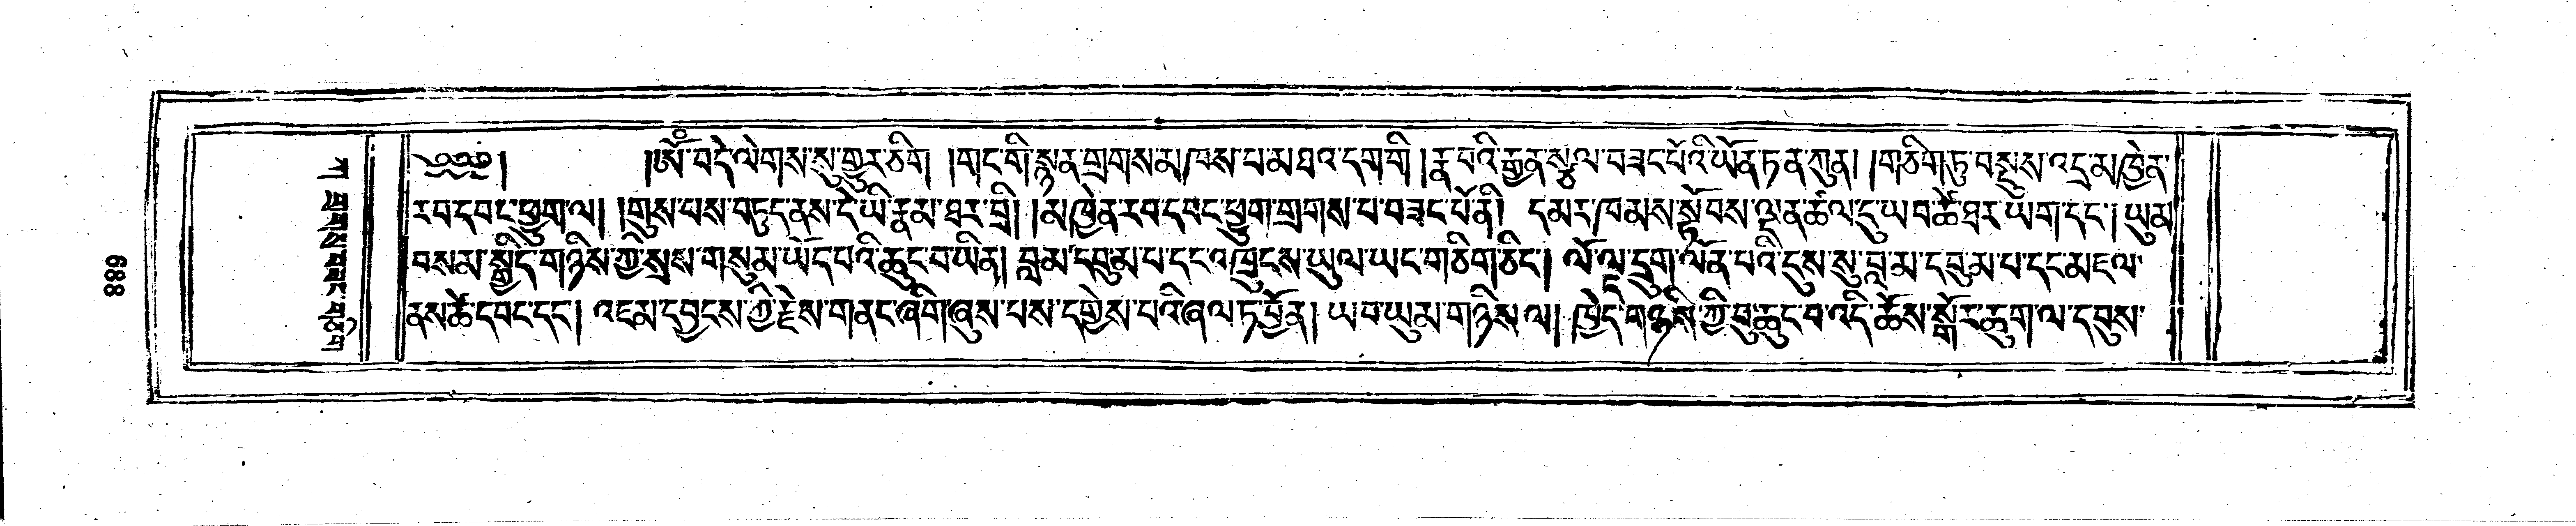༄༅༅། །ཨོཾ་བདེ་ལེགས་སུ་གྱུར་ཅིག །གང་གི་སྙན་གྲགས་མཁས་པ་མཐའ་དག་གི །རྣ་བའི་རྒྱན་སྩལ་བཟང་པོའི་ཡོན་ཏན་ཀུན། །གཅིག་ཏུ་བསྡུས་འདྲ་མཁྱེན་
རབ་དབང་ཕྱུག་ལ། །གུས་པས་བཏུད་ནས་དེ་ཡི་རྣམ་ཐར་བྲི། །མཁྱེན་རབ་དབང་ཕྱུག་གྲགས་པ་བཟང་པོ་ནི། དམར་ཁམས་སྟོབས་ལྡན་ཚལ་དུ་ཡབ་ཚེ་ཐར་ཡག་དང་། ཡུམ་
བསམ་སྒྱིད་གཉིས་ཀྱི་སྲས་གསུམ་ཡོད་པའི་ཆུང་བ་ཡིན། བླ་མ་དབུ་མ་པ་དང་འཁྲུངས་ཡུལ་ཡང་གཅིག་ཅིང་། ལོ་ལྔ་དྲུག་ལོན་པའི་དུས་སུ་བླ་མ་དབུ་མ་པ་དང་མཇལ་
ནས་ཚེ་དབང་དང་། འཇམ་དབྱངས་ཀྱི་རྗེས་གནང་ཞིག་ཞུས་པས་དགྱེས་པའི་ཞལ་ཏ་བྱོན། ཡབ་ཡུམ་གཉིས་ལ། ཁྱེད་གཉིས་ཀྱི་བུ་ཆུང་བ་འདི་ཆོས་སྒོར་ཆུག་ལ་དབུས་